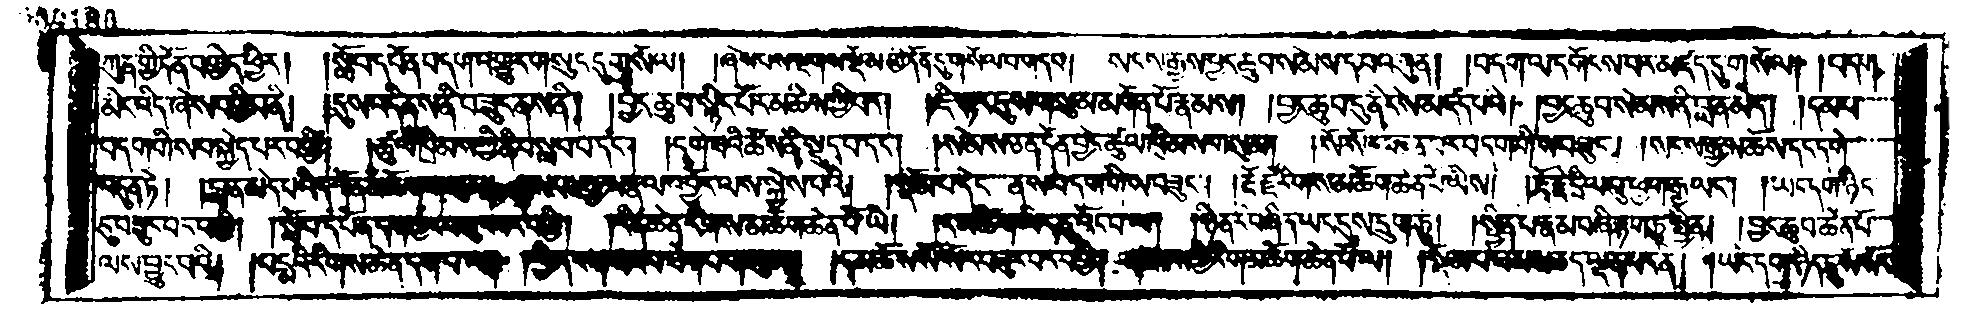ཀུན་གྱི་དོན་བགྱིད་ཕྱིར། །སློབ་དཔོན་བདག་འགྱུར་གསུང་དུ་གསོལ། ། ཞེས་པས་སྔགས་སྡོམ་གྱི་དོན་དུ་གསོལ་བ་གདབ།  སངས་རྒྱས་བྱང་ཆུབ་སེམས་དཔའ་ཀུན། །བདག་ལ་དགོངས་པར་མཛད་དུ་གསོལ། །བདག་
མིང་འདི་ཞེས་བགྱི་བ་ནི། །དུས་འདི་ནས་ནི་བཟུང་ནས་ནི། །བྱང་ཆུབ་སྙིང་པོར་མཆིས་ཀྱི་བར། །ཇི་ལྟར་དུས་གསུམ་མགོན་པོ་རྣམས། །བྱང་ཆུབ་དུ་ནི་ངེས་མཛད་པའི། །བྱང་ཆུབ་སེམས་ནི་བླ་ན་མེད། །དམ་པ་
བདག་གིས་བསྐྱེད་པར་བགྱི། །ཚུལ་ཁྲིམས་ཀྱི་ནི་བསླབ་པ་དང་། །དགེ་བའི་ཆོས་ནི་སྡུད་པ་དང་། །སེམས་ཅན་དོན་བྱེད་ཚུལ་ཁྲིམས་གསུམ། །སོ་སོར་བརྟན་པར་བདག་གིས་བཟུང་། །སངས་རྒྱས་ཆོས་དང་དགེ་
འདུན་ཏེ། །བླ་ན་མེད་པའི་དཀོན་མཆོག་གསུམ། །སངས་རྒྱས་རྣལ་འབྱོར་ལས་སྐྱེས་པའི། །སྡོམ་པ་དེང་ནས་བདག་གིས་བཟུང་། །རྡོ་རྗེ་རིགས་མཆོག་ཆེན་པོ་ཡིས། །རྡོ་རྗེ་དྲིལ་བུ་ཕྱག་རྒྱ་ཡང་། །ཡང་དག་ཉིད་
དུ་བཟུང་བར་བགྱི། །སློབ་དཔོན་དག་ཀྱང་བཟུང་བར་བགྱི། །རིན་ཆེན་རིགས་མཆོག་ཆེན་པོ་ཡི། །དམ་ཚིག་ཡིད་དུ་འོང་བ་ལ། །ཉིན་རེ་བཞིན་ཡང་དུས་དྲུག་ཏུ། །སྤྱིན་པ་རྣམ་བཞི་རྟག་ཏུ་སྤྱིན། །བྱང་ཆུབ་ཆེན་པོ་
ལས་བྱུང་བའི། །པདམའི་རིགས་ཆེན་དག་པ་ལ། །ཕྱི་དང་གསང་བ་ཐེག་པ་གསུམ། །དམ་ཆོས་སོ་སོར་བཟུང་བར་བགྱི། །ལས་ཀྱི་རིག་མཆོག་ཆེན་པོ་ལ། །སྡོམ་པ་ཐམས་ཅད་ལྡན་པར་ནི། །ཡང་དག་ཉིད་དུ་སོ་སོར་